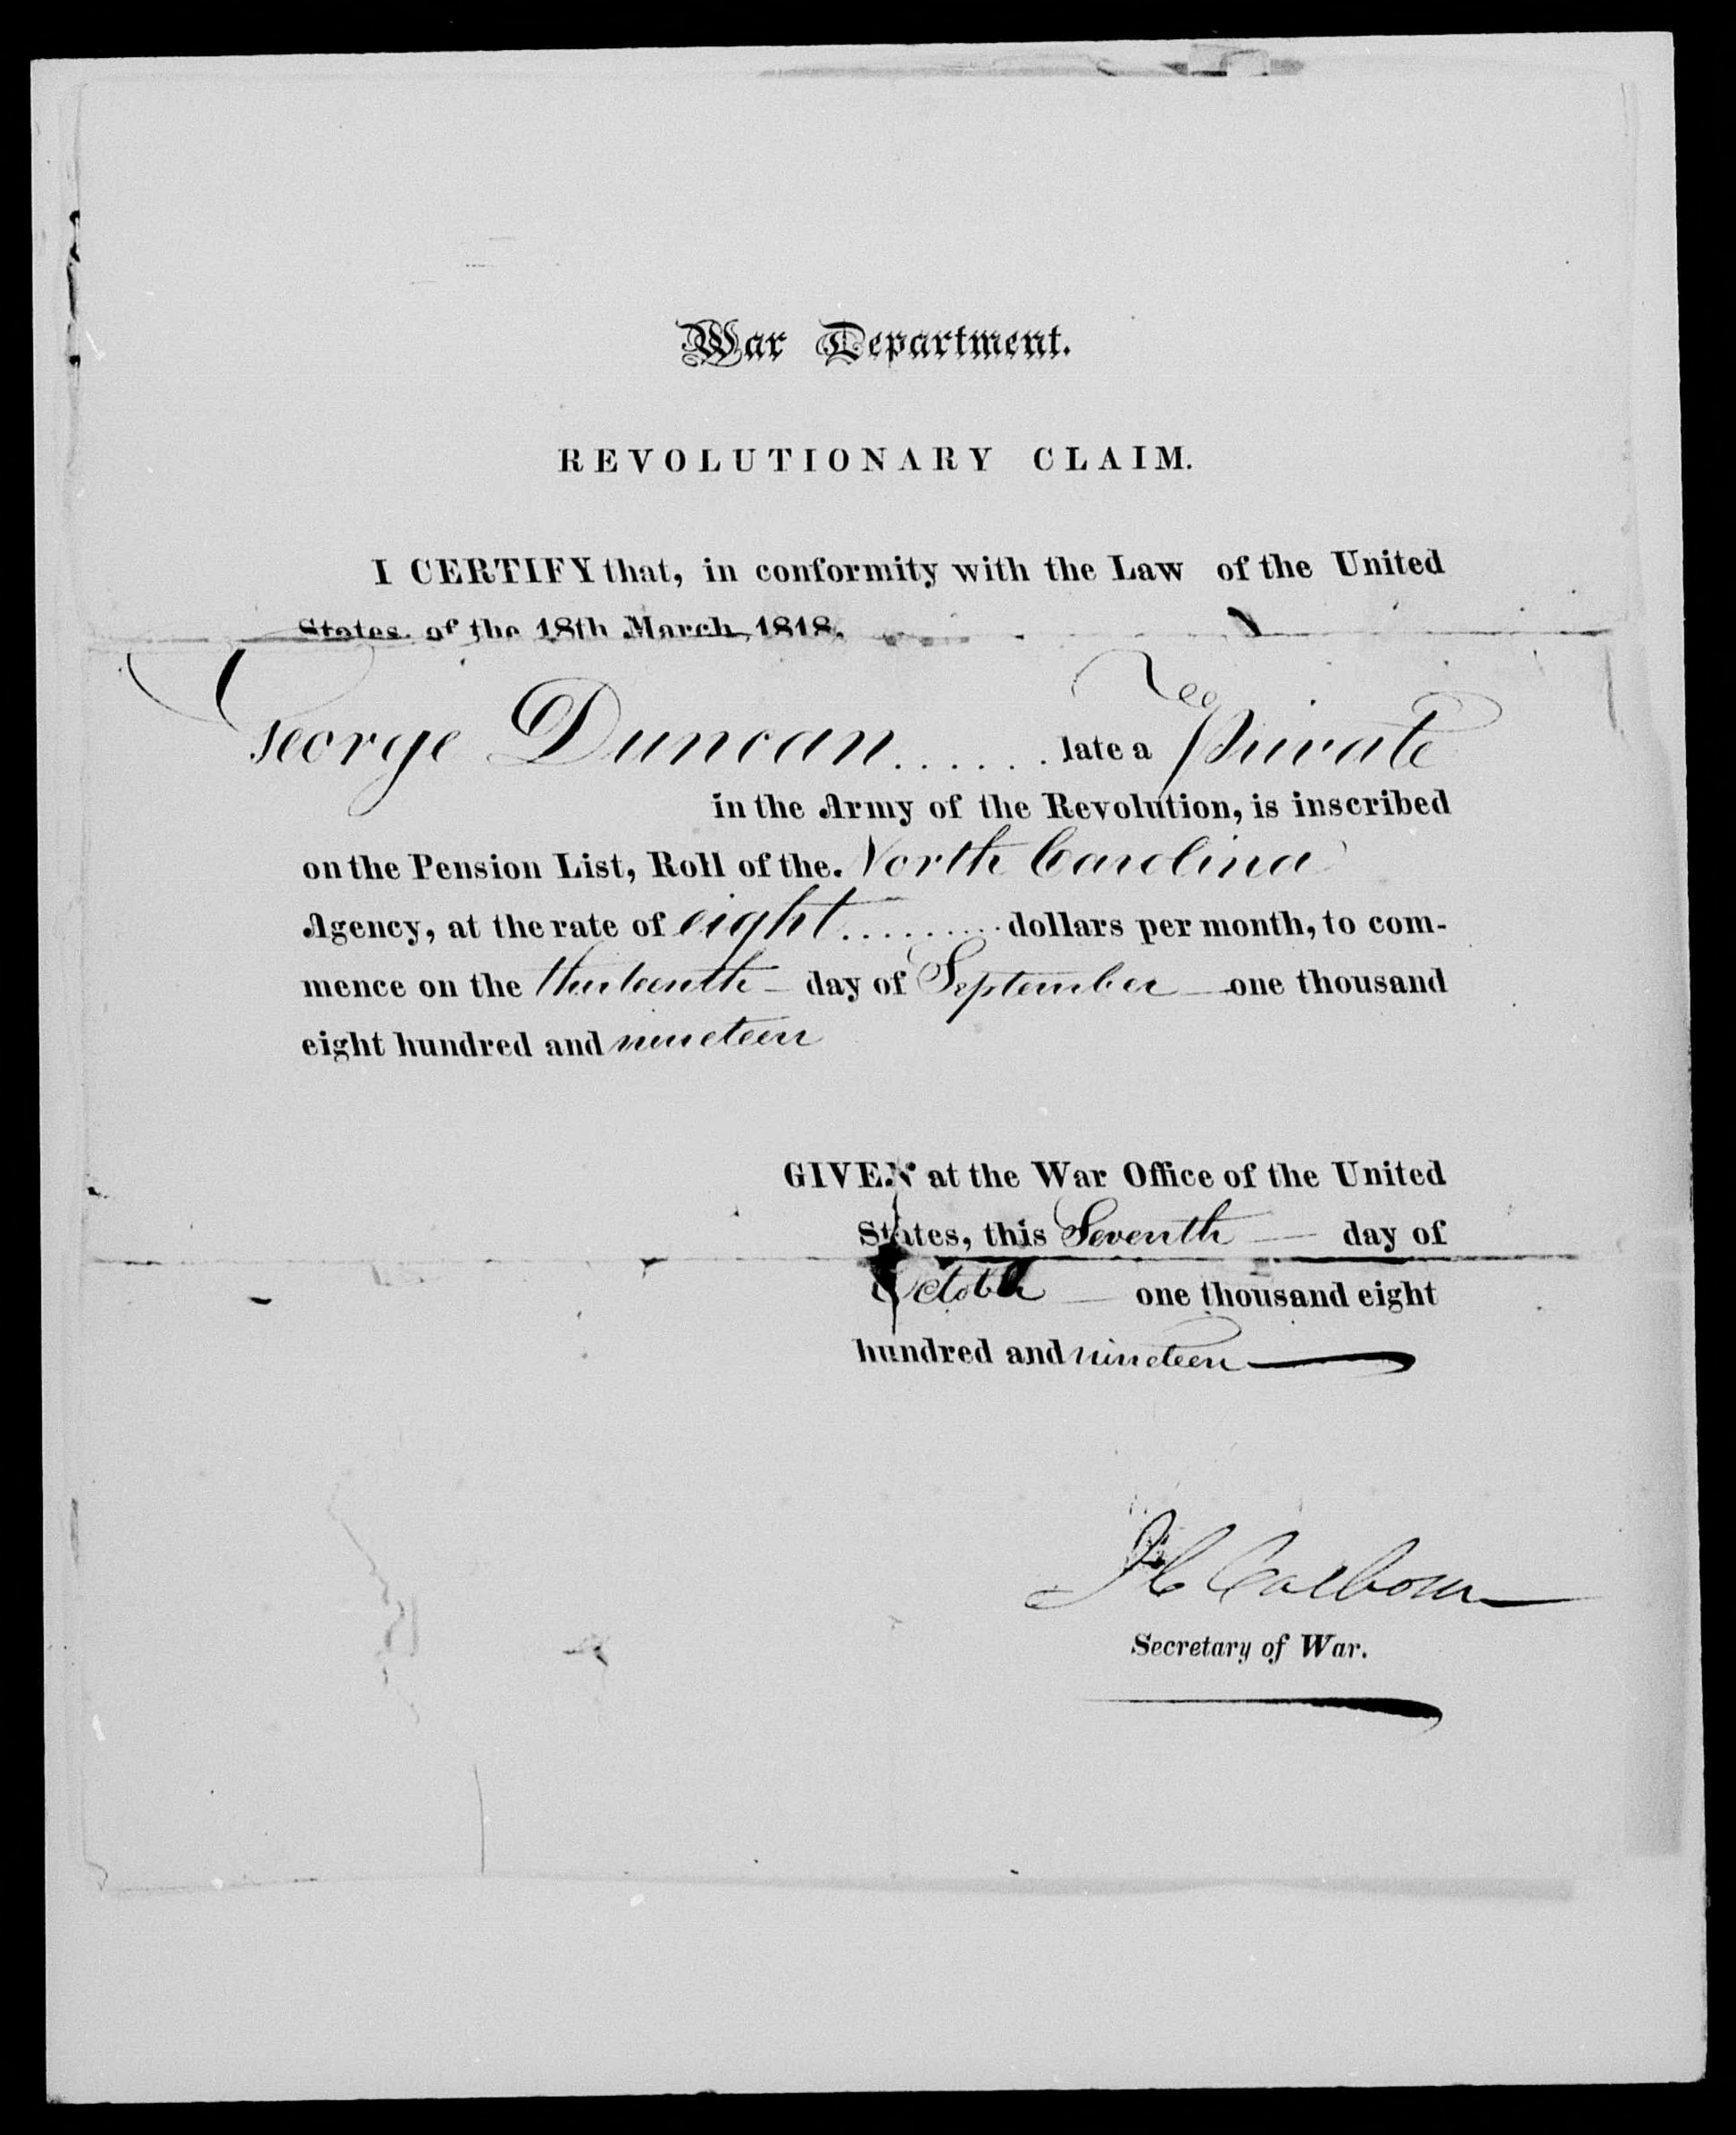War Department.
REVOLUTIONARY CLAIM.
I CERTIFY that, in conformity with the Law of the United States
of the 18th March 1818
-
George Duncan
⎬
late a private
---
in the Army of the Revolution, is inscribed
on the Pension List, Roll of the North Carolina
Agency, at the rate of eight
dollars per month, to commence
on the thirteenth day of September one thousand
eight hundred and nineteen
GIVEN at the War Office of the United
States, this Seventh day of
-
October one thousand eight
hundred and nineteen
JC Calhoun
Secretary of War.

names: George Duncan, J C Calhoun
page: 41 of 49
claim: survivor's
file: S. 41513, George Duncan, N.C.